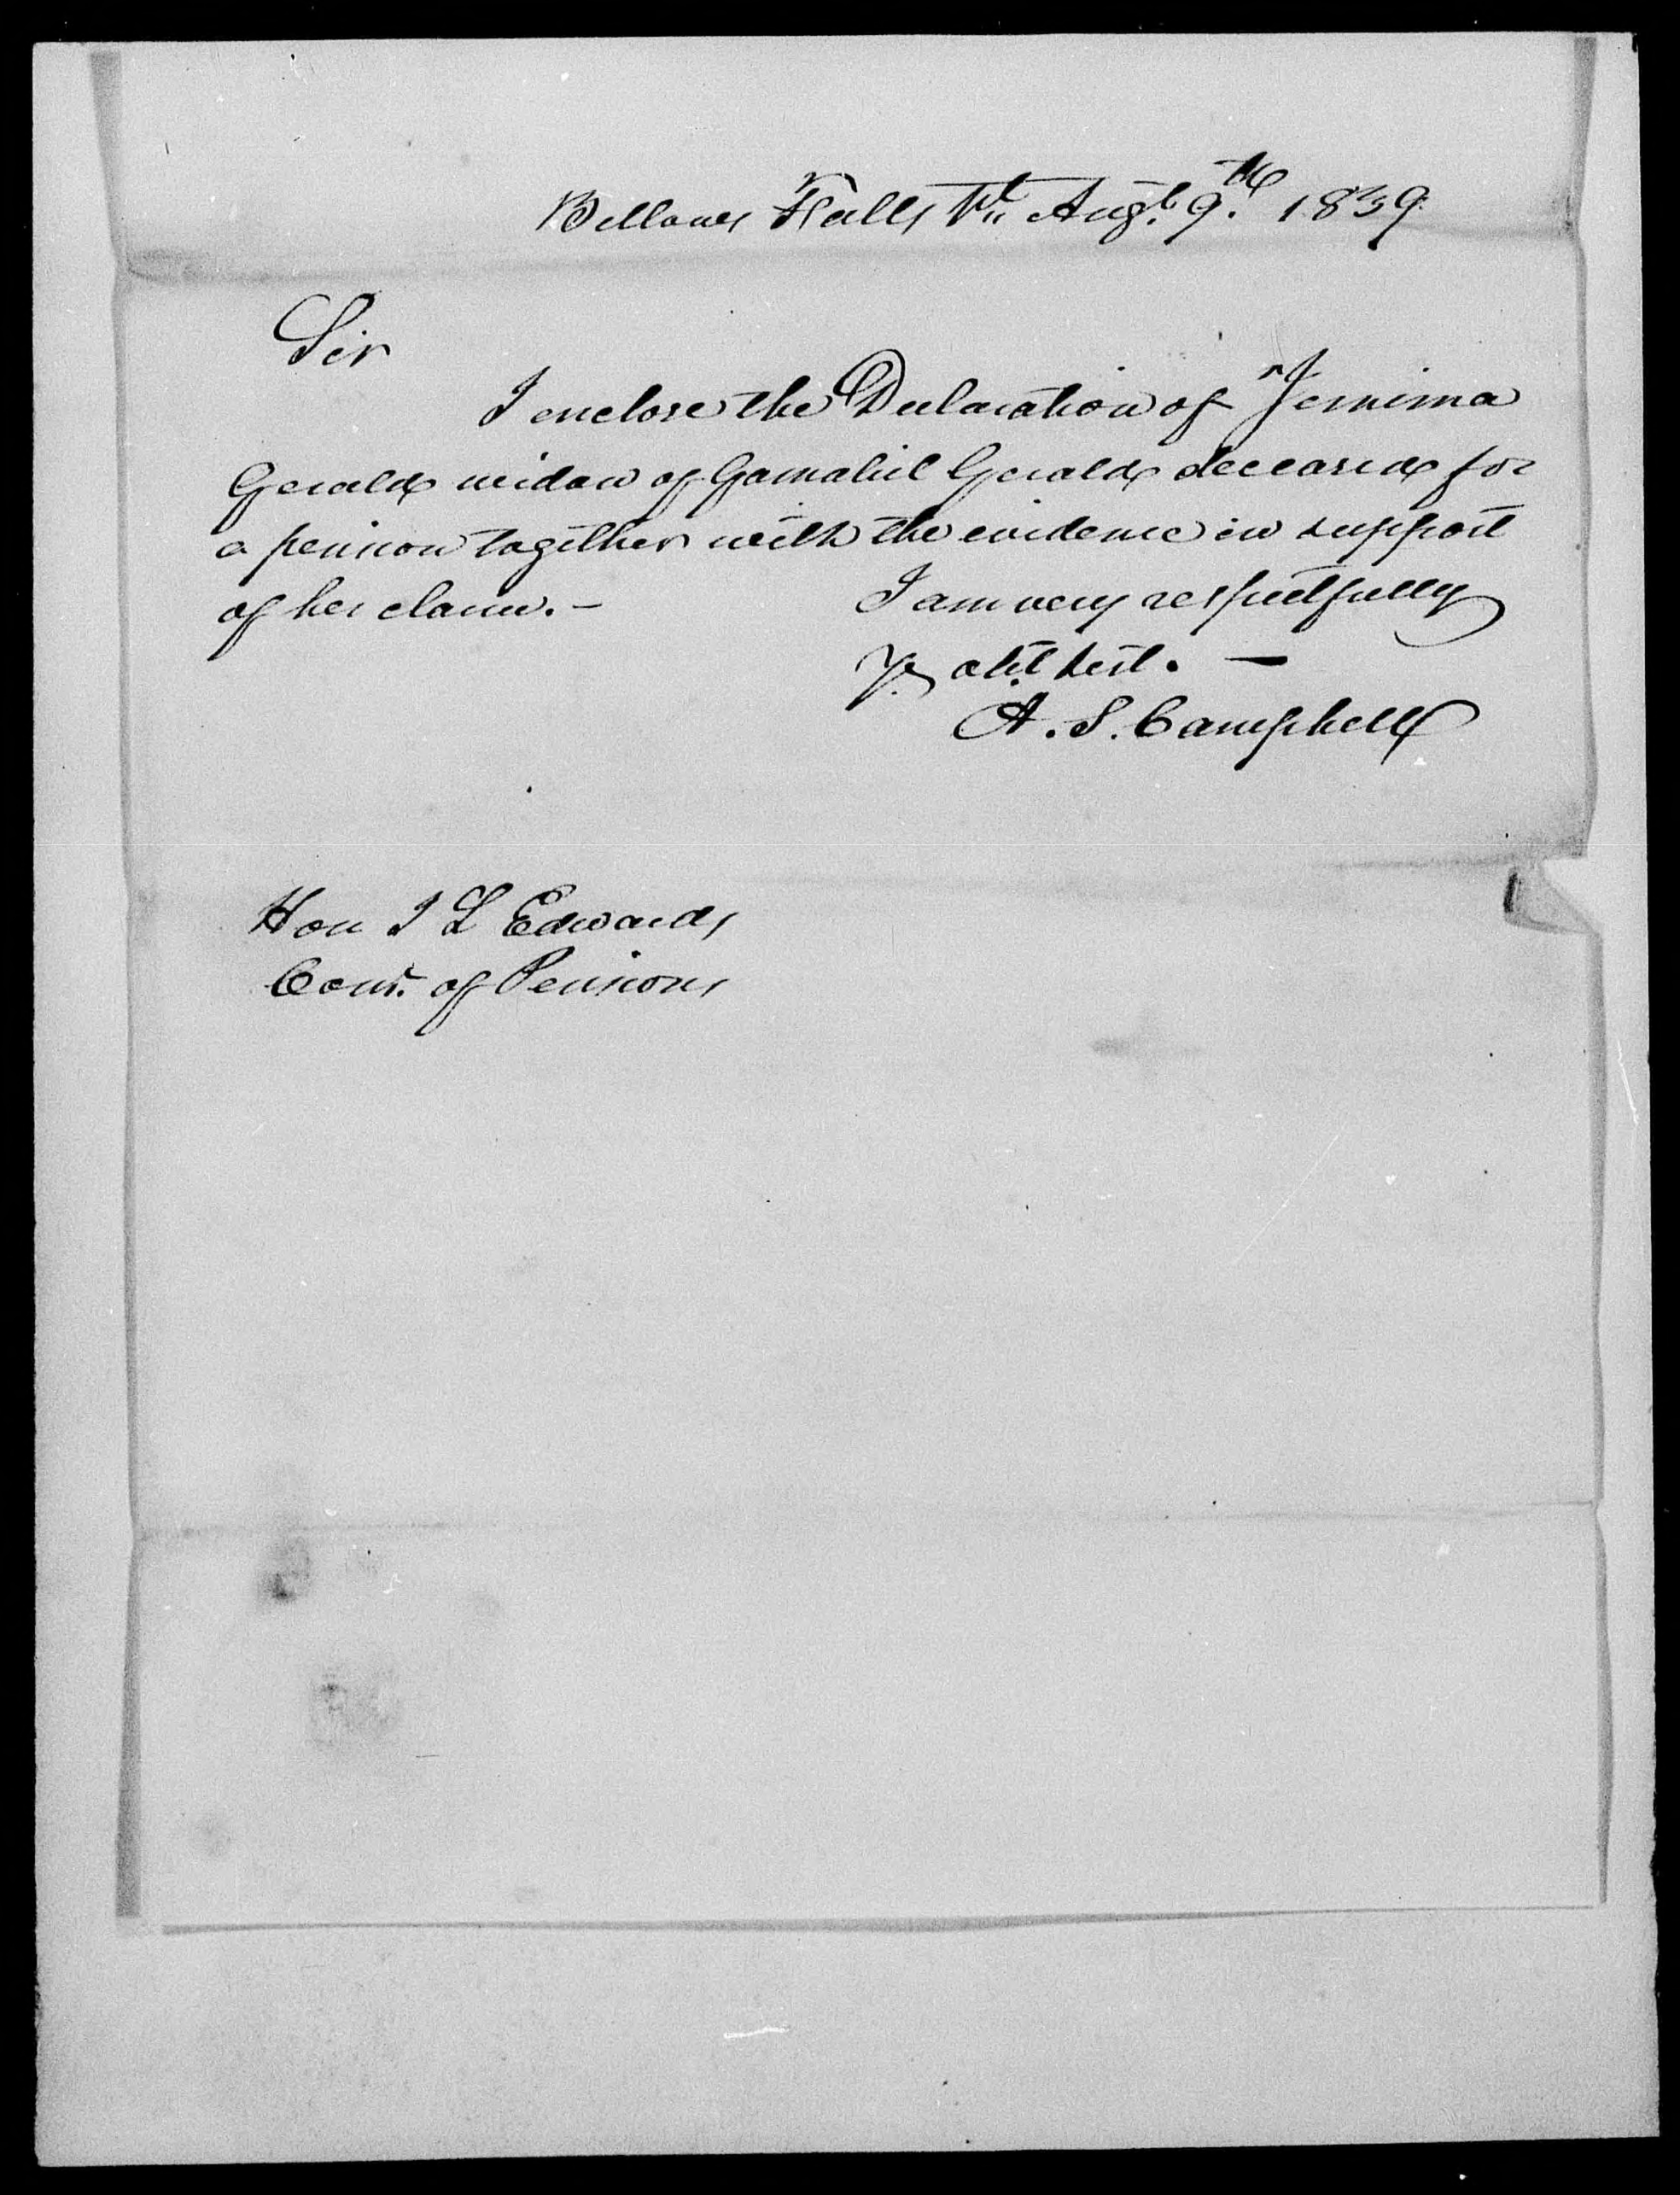Bellows Falls Vt August 9th 1839
Sir
I enclose the Declaration of Jemima Gerald widow of Gamaliel Gerald deceased for a pension together with the evidence in support of her claim.
I am respectfully
Yr. obt. sevt.
A. S. Campbell
Hon. J. L. Edwards
Commissioner of Pensions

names: J L Edwards, A S Campbell, Jemima Gerald, Gamaliel Gerald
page: 24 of 26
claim: widow's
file: W. 25619, Gamaliel Gerald, Mass.